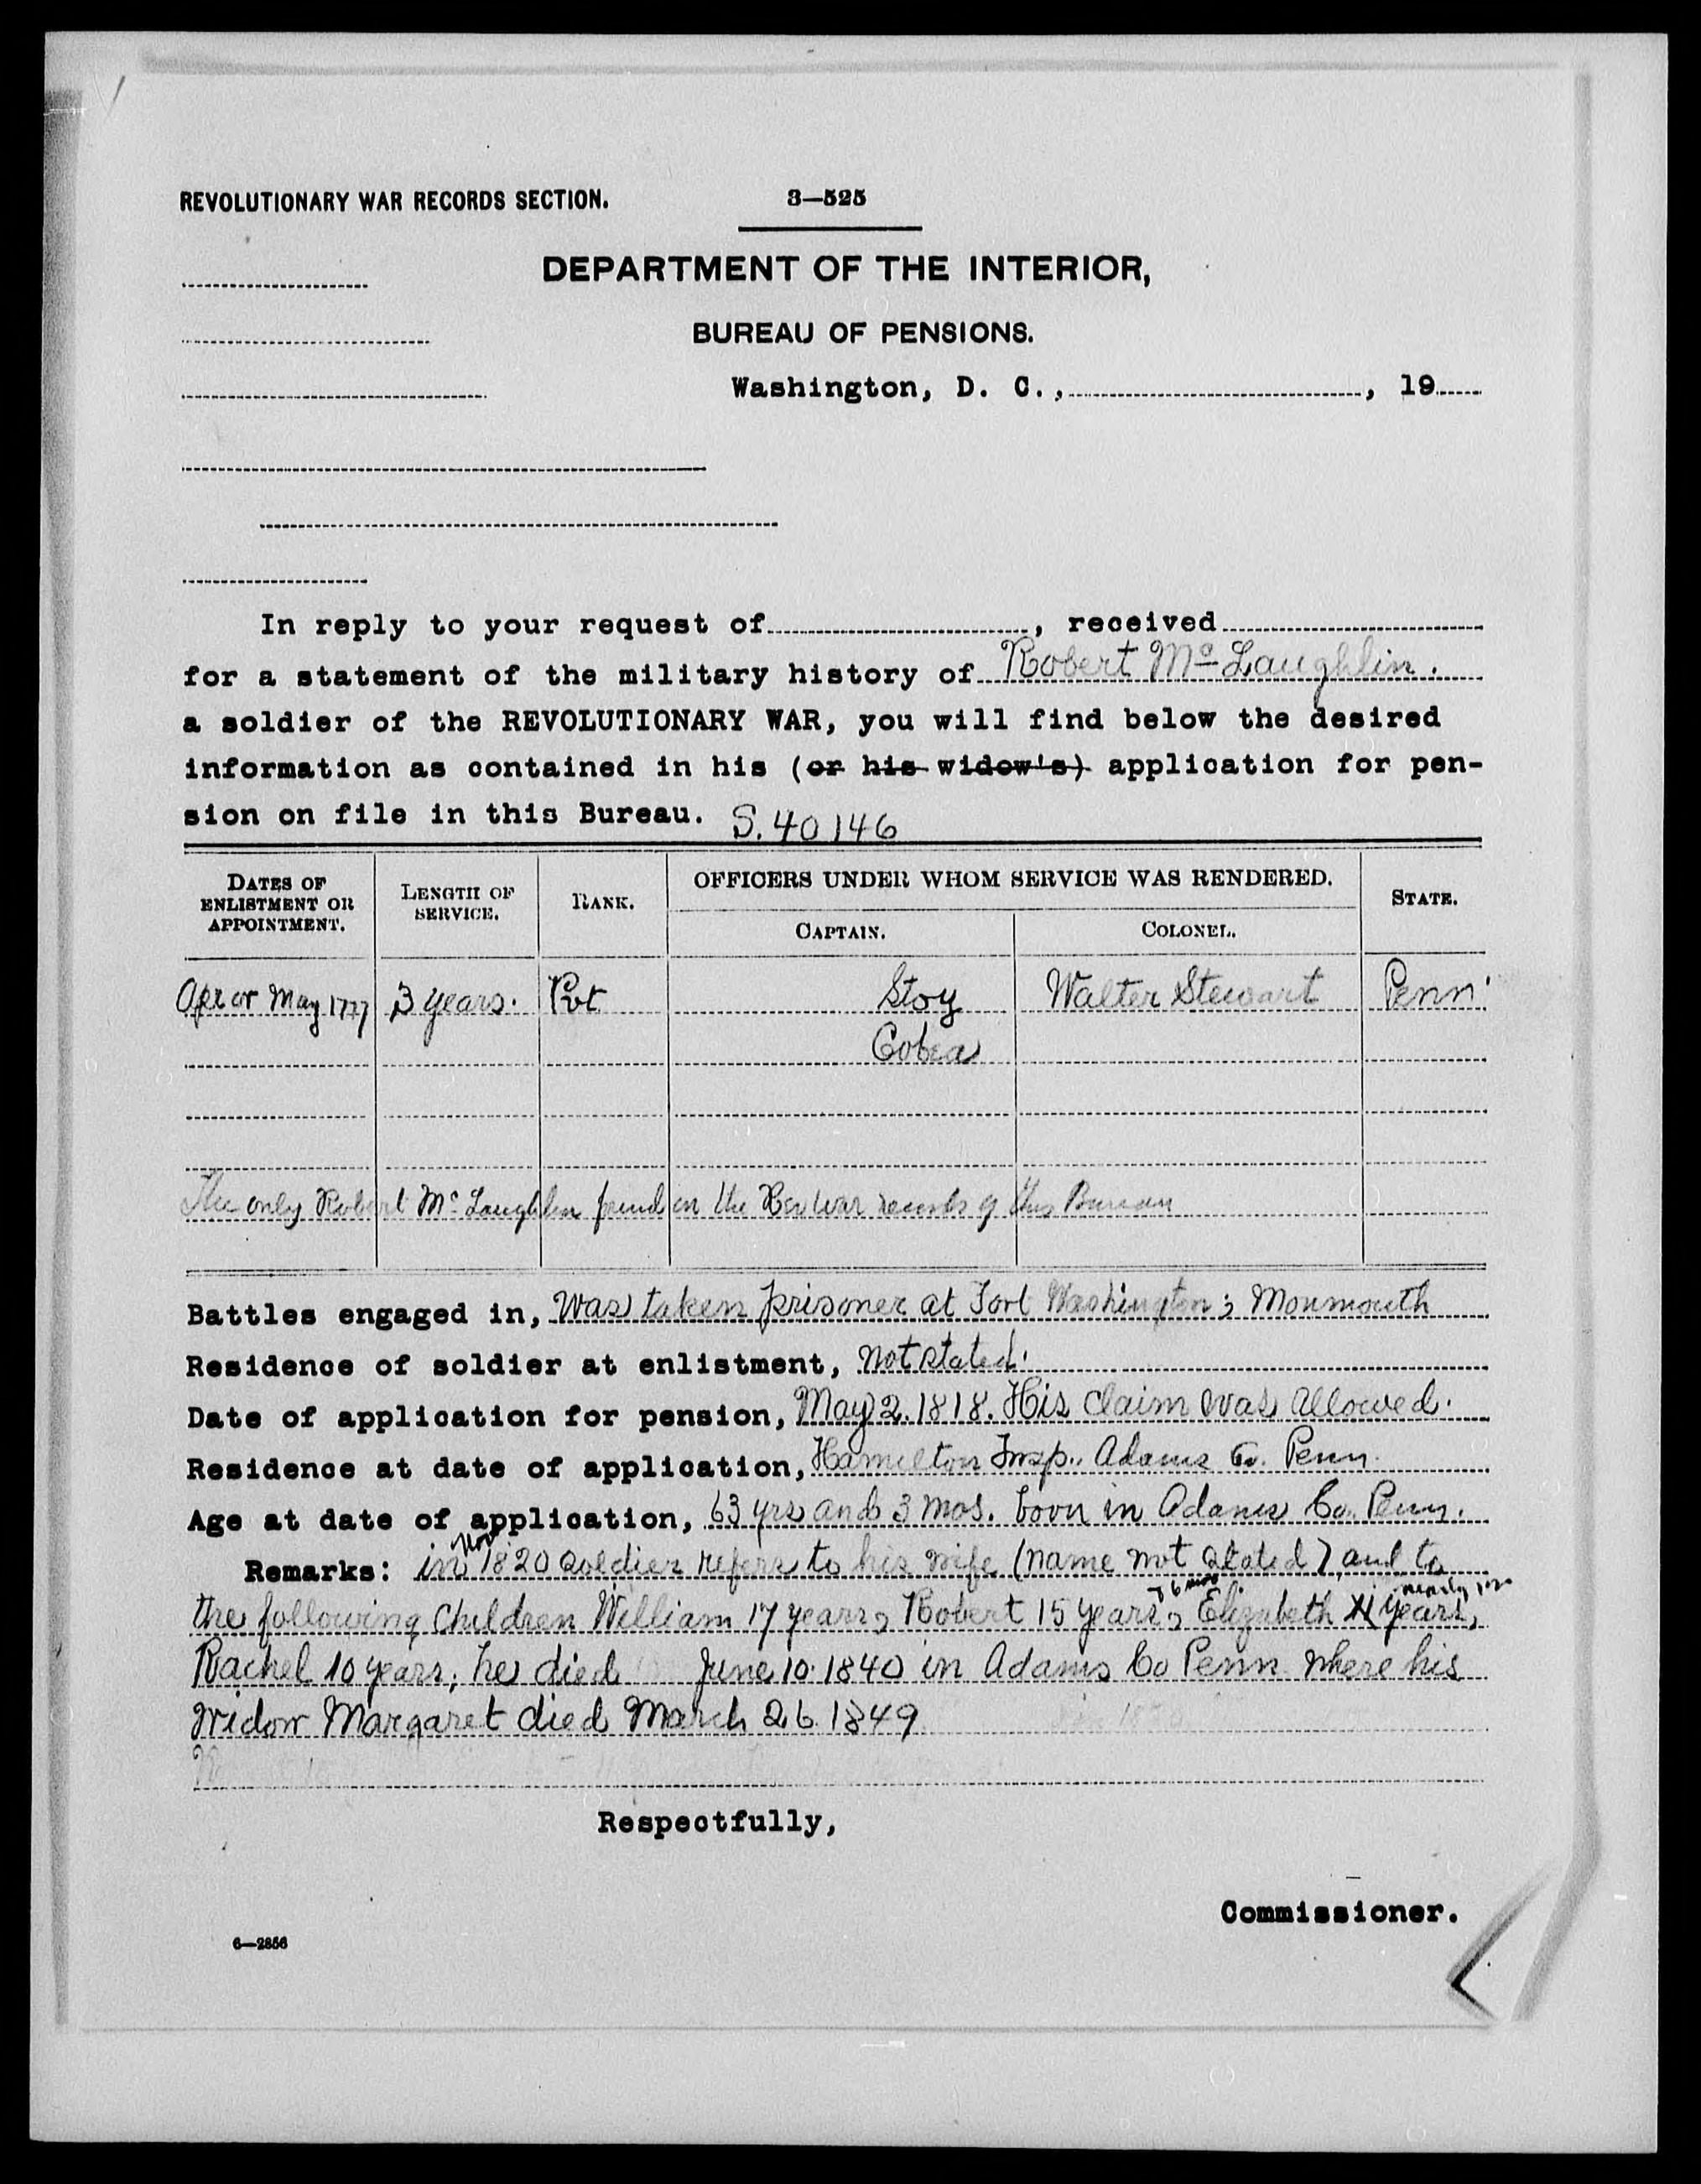O. W. and N. Division,
3-525

DEPARTMENT OF THE INTERIOR,
Bureau of Pensions,
Washington, D. C.

S 22.896

In reply to your request of ____ received ____ for a statement of the military history of Robert McLaughlin a soldier of the REVOLUTIONARY WAR, you will find below the desired information as contained in his application for pension on file in this Bureau.

S.40146

DATES OF ENLISTMENT OR APPOINTMENT | LENGTH |  RANK | OFFICERS |  STATE

April or May 1777 | 3 years |  Private |  Capt Stoy, Capt Gober, Colonel Walter Stewart |  PA

Noted:  The only Robert McLaughlin found on the Rev War records of the Bureau

Battles engaged in:  was taken prisoner at Fort Washington and Monmouth

Residence of soldier at enlistment:    not stated

Date of application for pension:  May 2, 1818   His claim was allowed

Residence at date of application:  Hamilton Township, Adams Co. Penn

Age at date of application:  63 yrs and 3 mos; born in Adams Co Penn

Remarks:   in Nov 1820 soldier refers to his wife (name not stated) and to the following children:  William 17 years, Robert 15 years, Elizabeth nearly 12 years, Rachel 10 years;   he died June 10 1840 in Adams Co Penn where his widow Margaret died March 26 1849


respectfully,
Commissioner.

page: 19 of 19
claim: survivor's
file: S. 40,146, for Robert Mc Laughlin, Pennsylvania